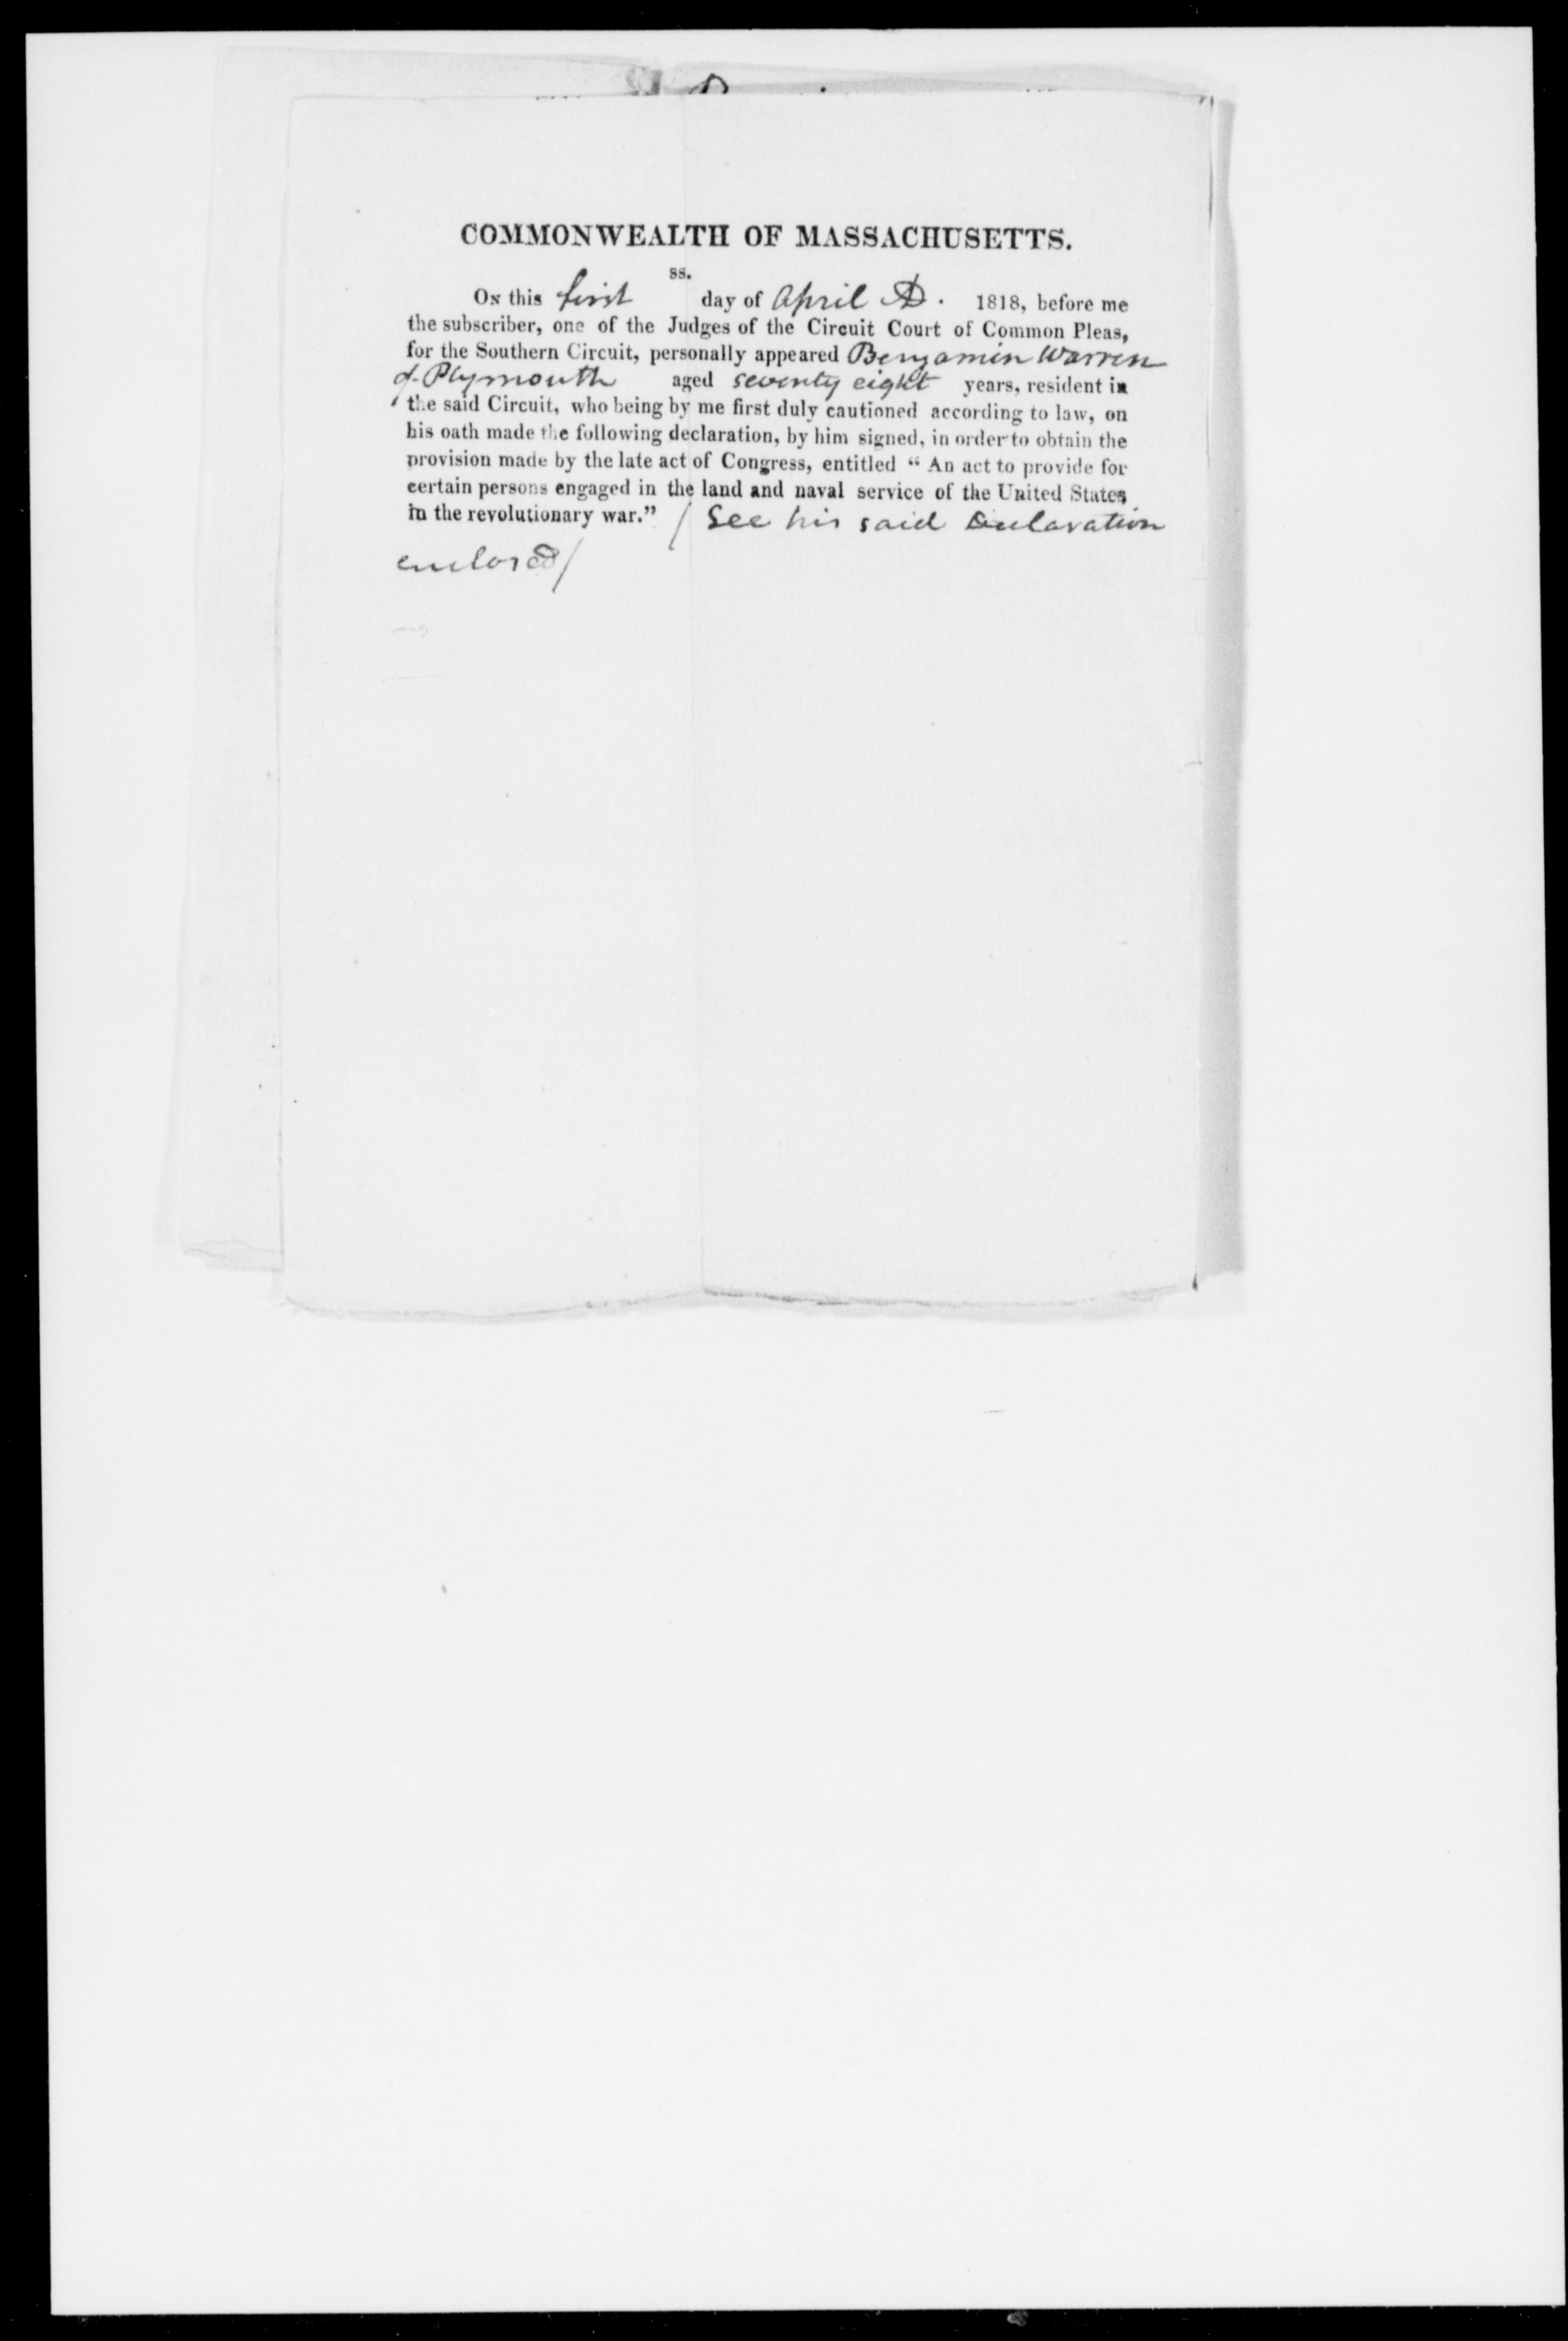Commonwealth of Massachusetts
On this first day of April AD. 1818, before me the subscriber, one of the Judges of the Circuit Court of Common Pleas, for the Southern Circuit, personally appeared Benjamin Warren of Plymouth aged seventy eight years, a resident in the said Circuit, who being by me first duly cautioned according to law, on his oath make the following declaration by him signed in order to obtain the provisions made by the late act of Congress entitled " An act to provide for certain persons engaged in the land and naval service of the United States in the Revolutionary War",
See his said Declaration enclosed.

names: Benjamin Warren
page: 10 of 16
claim: survivor's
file: S. 33229, Benjamin Warren, Mass.